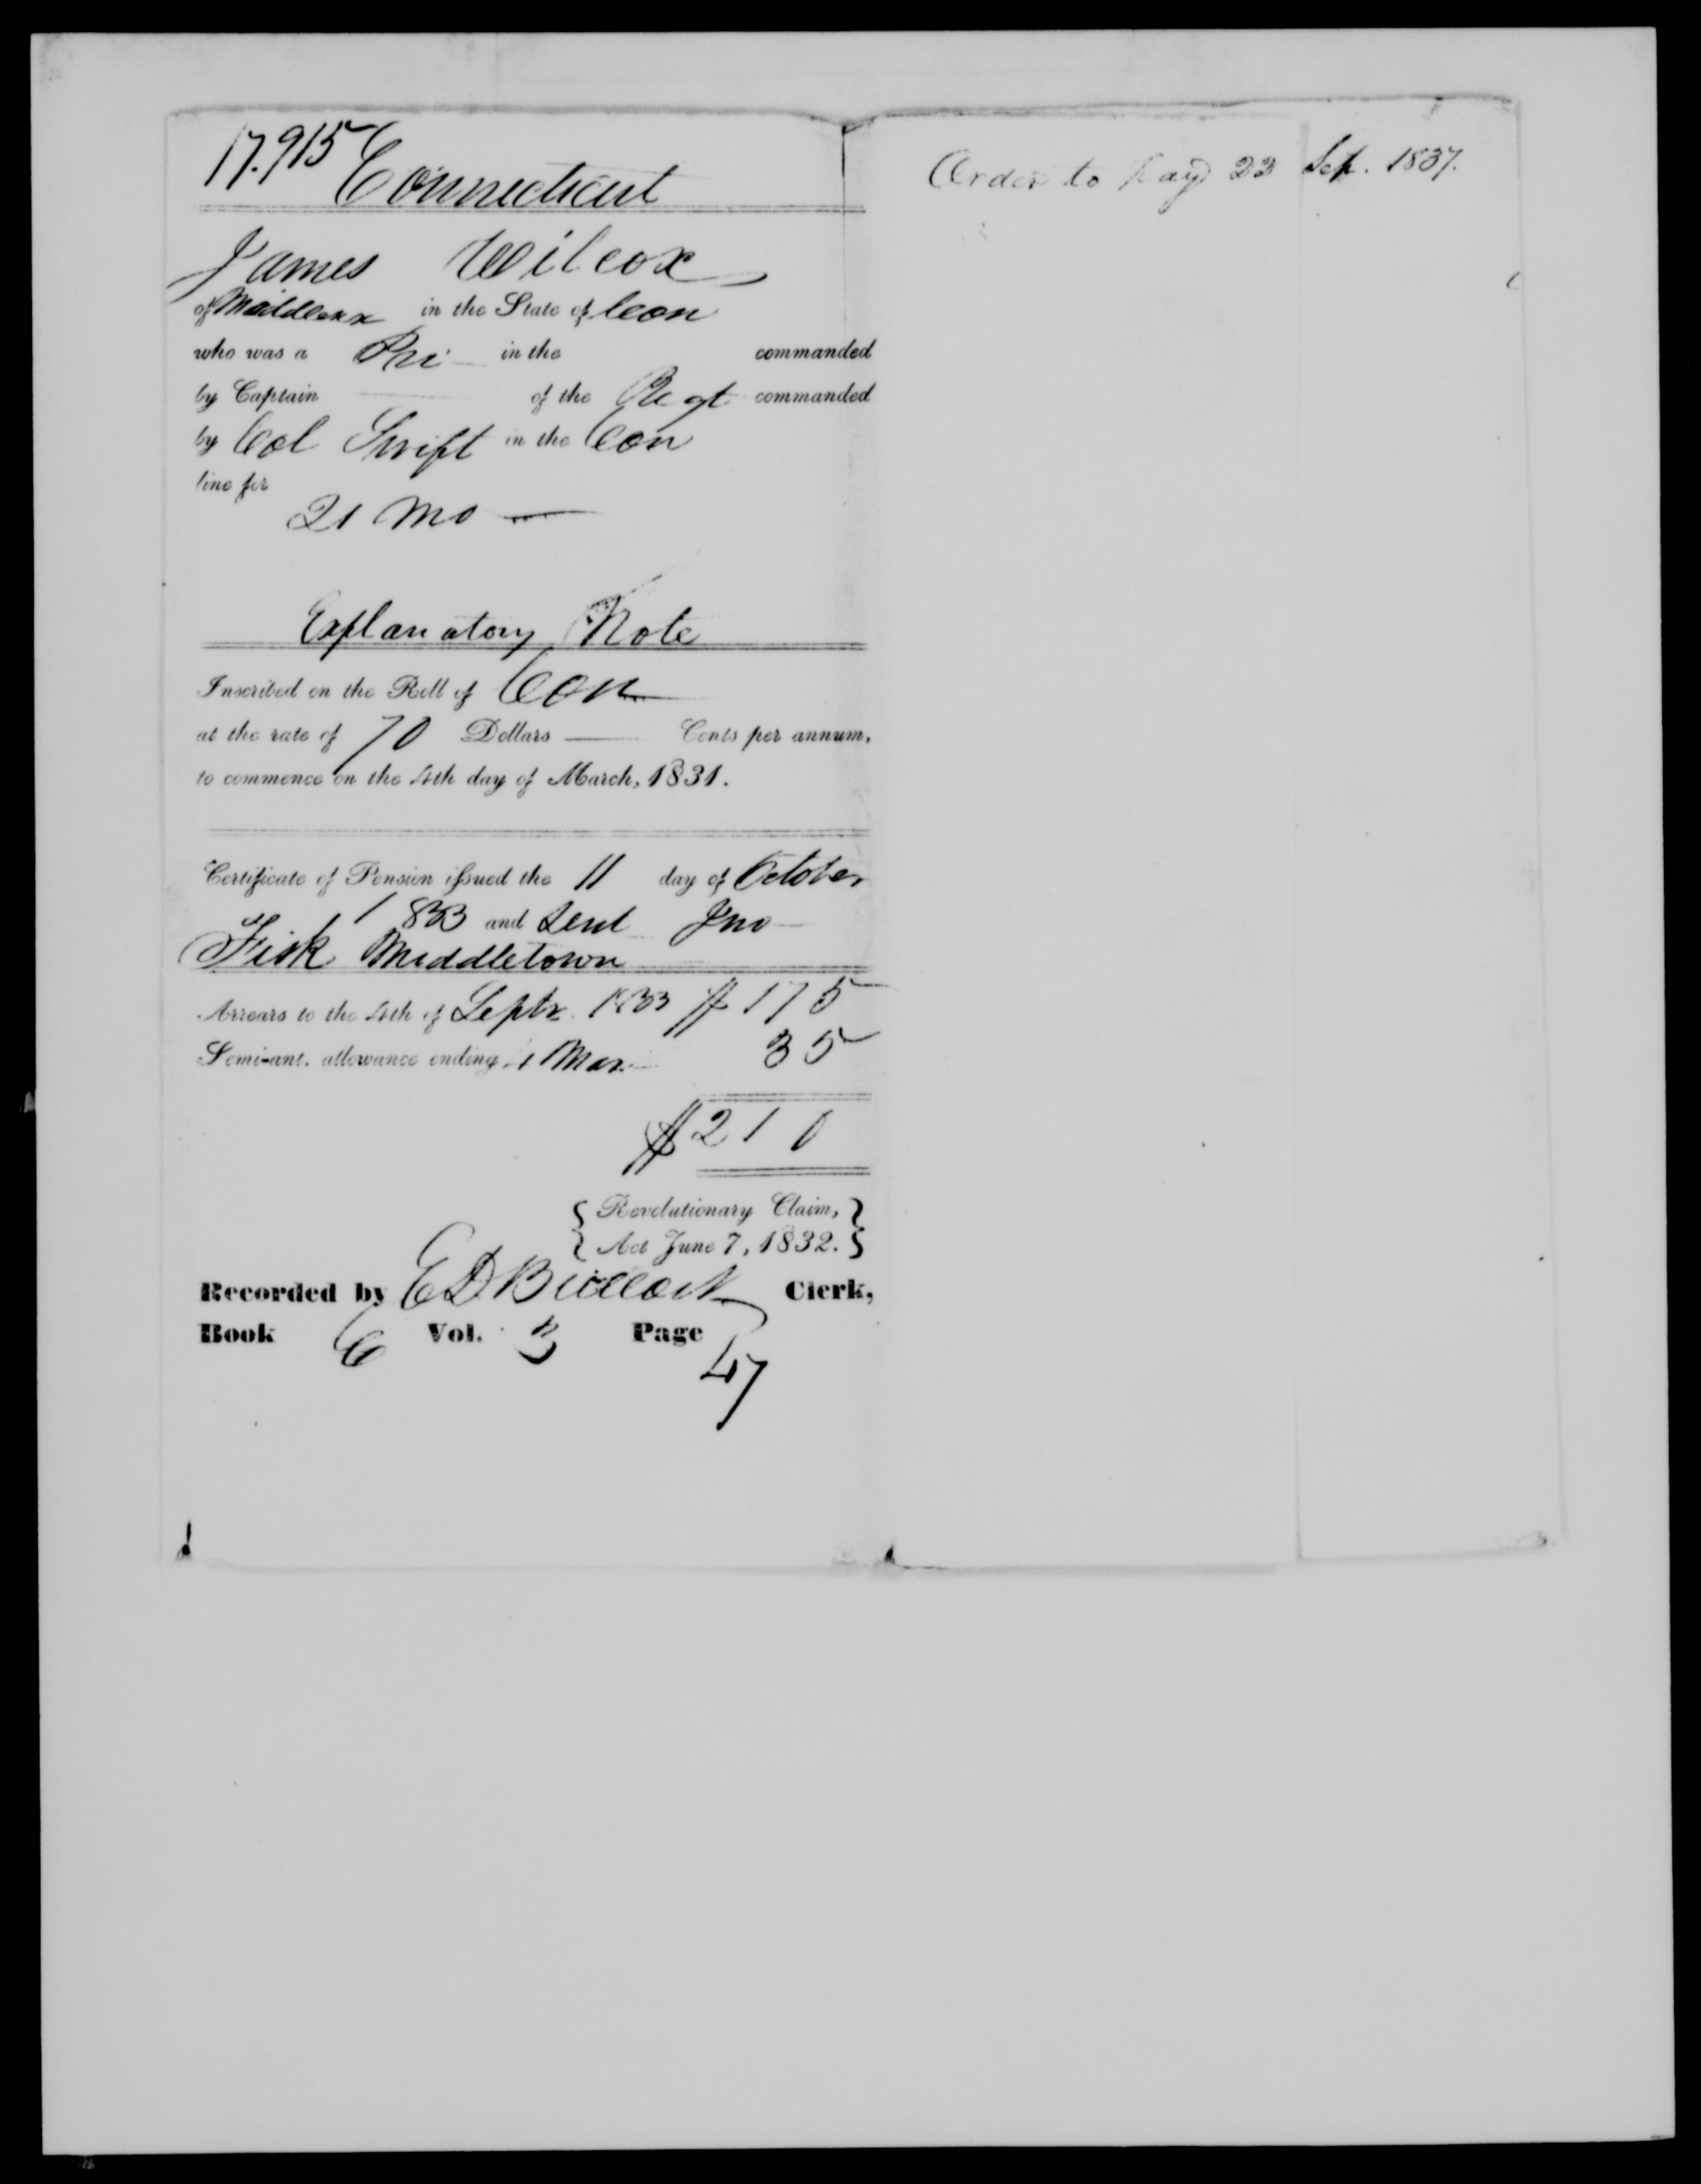17.915 Connecticut
James Wilcox of Middlesex in the State of Con who was a pri in the _____commanded by Captain _____of the Regt commanded by Col Swift in the Con line for 21 mo—
Explanatory Note
Inscribed on the Roll of Con at the rate of 70 Dollars _____Cents per annum, to commence on the 4th day of March 1834.
Certificate of Pension issued the 11 day of October 1833 and sent Jno Fisk Middletown
Arrears to the 4th of Septr 1833 $175 
Semi-anl. Allowance ending 4 Mar $35
$210
{Revolutionary Claim, Act June 7, 1832}
Recorded by E D Bullock Clerk,
Book E Vol. 3 Page 47
Order to pay 22 Sep 1837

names: Swift, James Wilcox, E D Bullock, Jno Fisk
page: 3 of 46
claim: widow's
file: W. 18,417, James Willcox, Conn.